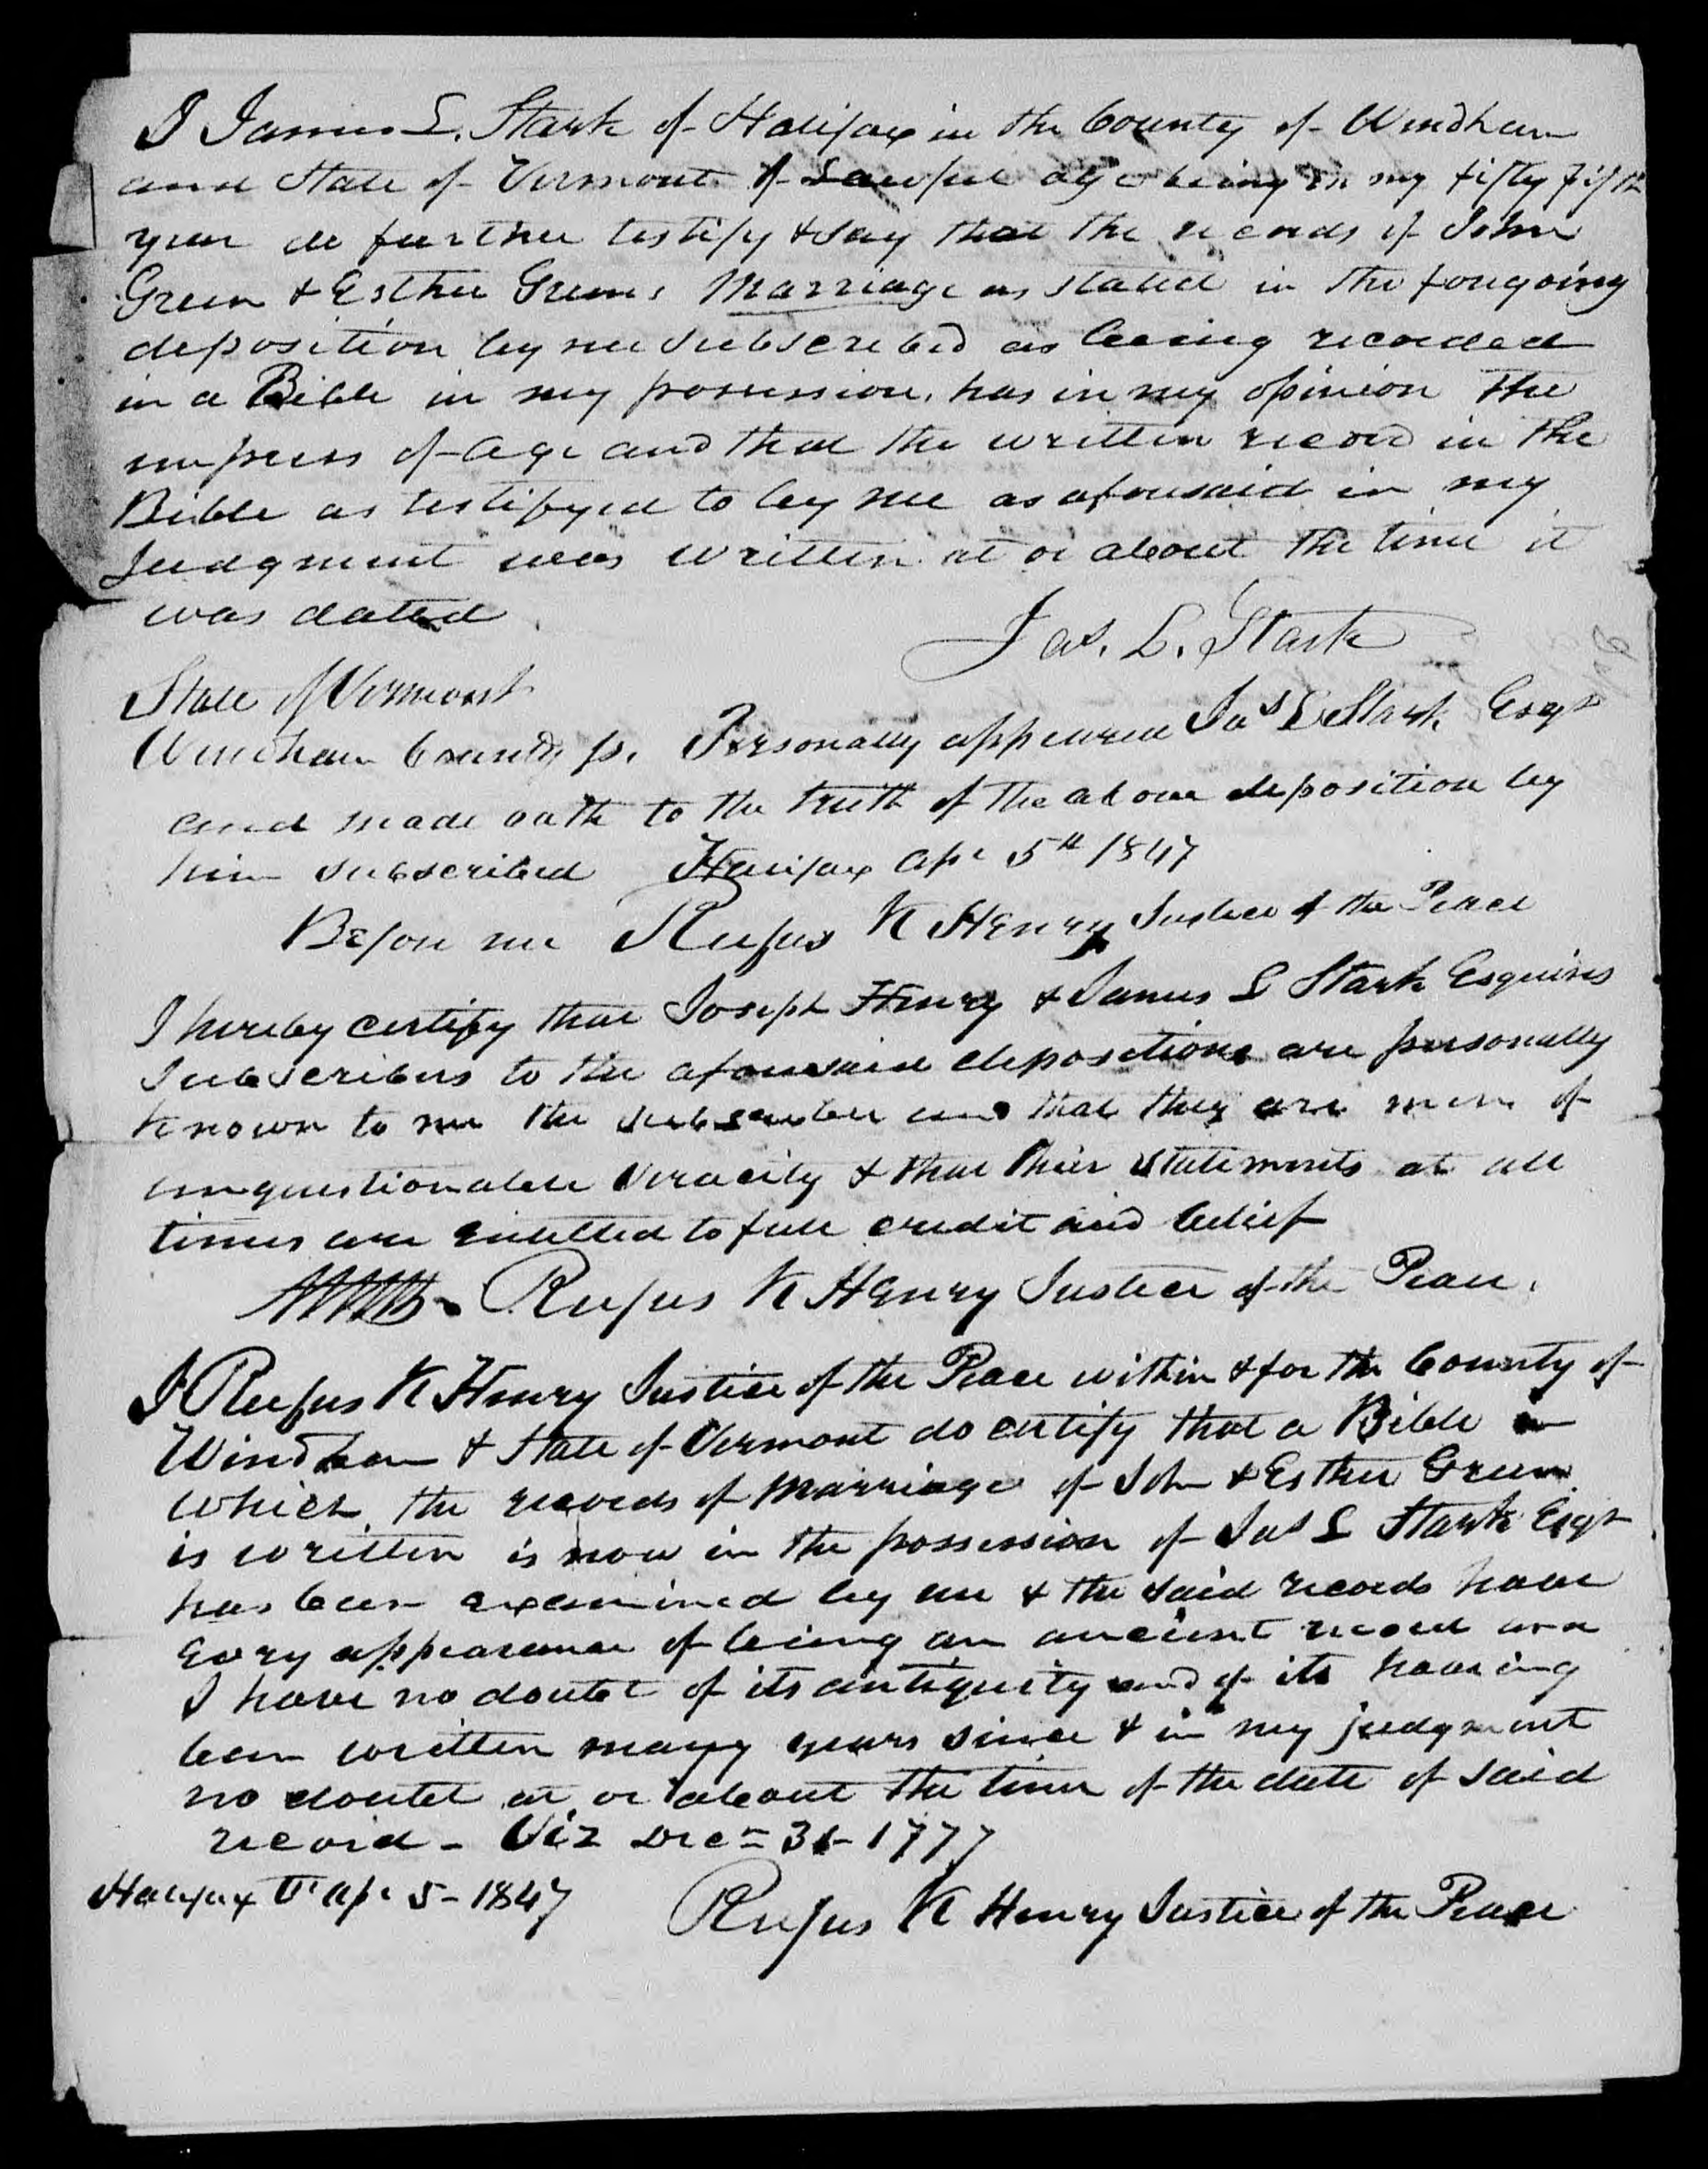I James L Stark of Halifax in the County of Windham and State of Vermont a Lawful --- reaching my fifty fifth year do further testify today that the friends? of John and Esther Green's marriage as stated in the foregoing  
deposition by me subscribed as being recorded
in a Bible in my possession, has in my opinion, the impression of age and that the written record in the Bible as testified to by me as aforesaid in my judgment was written at or about the time it was dated. Jas. L. Stark
State of Vermont
Windham County Personally appearance James L. Stark Esq. and made oath to the truth of the
deposition by him subscribed. Halifax Apr 5th 1847
Before me Rufus K. Henry, Justice of the Peace
I hereby certify that Joseph H--- and James L. Stark Esquires subscribers to the aforesaid depositions are personally known to me the subscriber can ---they are men of unquestionable veracity & thus their statements at all times are entitled to full credit and belief.
Rufus K. Henry Justice of the Peace.
I Rufus K Henry Justice of the Peace within and for the County of Windham & State of Vermont do certify that a Bible of which the records of marriage of John & Esther Green is written is now in the possession of Jas L. Stark Esquire has been examined by me & the said records have every appearance of being an ancient record where I have no doubt of its antiquity and of its having been written many years since ^& in my judgment no doubt at or about the time of the date of said record - Viz Dec = 36- 1777
Halifax VT Apr 5 - 1847 Rufus K Henry Justice of the Peace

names: Rufus K Henry, Rufus K Henry, Jas L Stark, Joseph Henry, Rufus K Henry, Jas L Stark, Esther Green, Jas L Stark, James L Stark, Rufus K Henry, Esther Green, James L Stark, John Green, John Green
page: 30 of 40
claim: rejected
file: R. 4251, John Green, Conn.